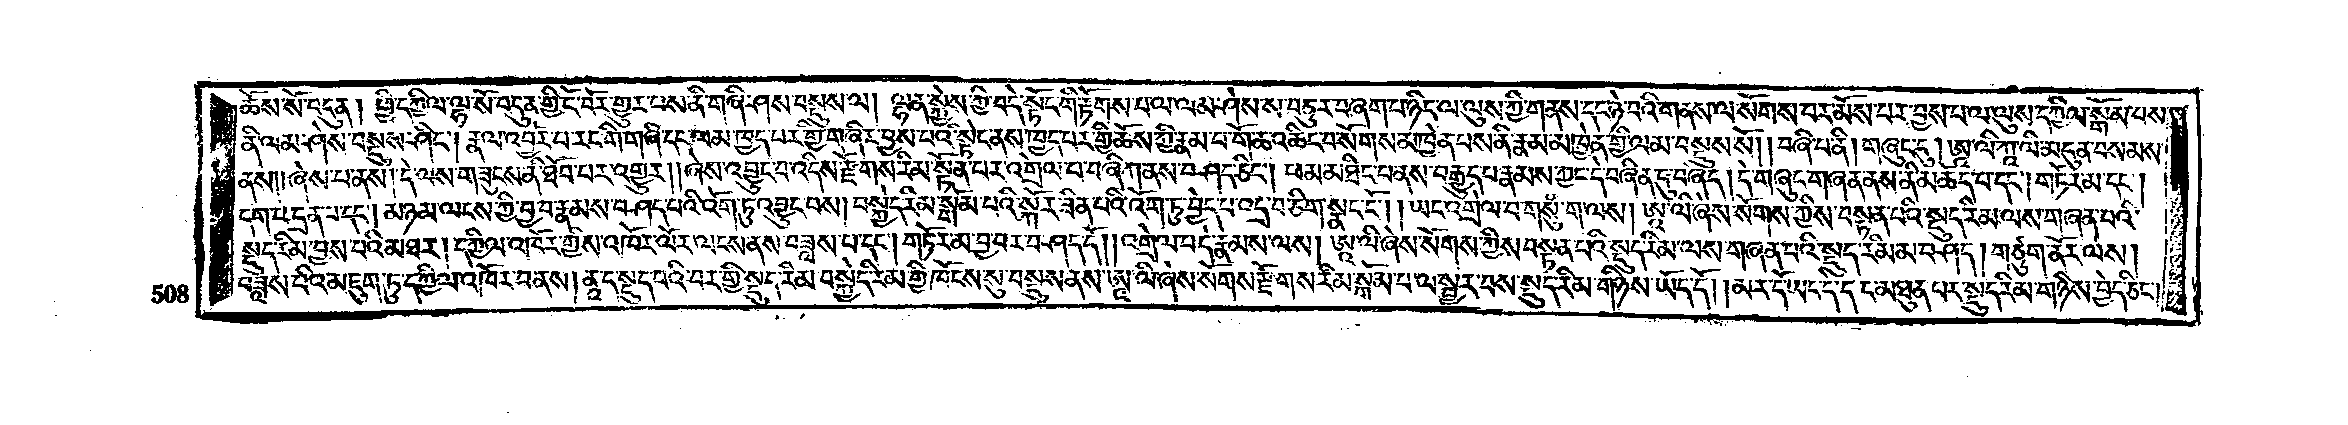ཆོས་སོ་བདུན། ཕྱི་དཀྱིལ་ལྷ་སོ་བདུན་གྱི་ངོ་བོར་གྱུར་པས་ནི་གཞི་ཤས་བསྡུས་ལ། ལྷན་སྐྱེས་ཀྱི་བདེ་སྟོང་གི་རྟོགས་པ་ལ་ལམ་ཤེས་ས་བཅུར་བཞག་པ་ཉིད་ལ་ལུས་ཀྱི་གནས་དང་ཉེ་བའི་གནས་ལ་སོགས་པར་མོས་པར་བྱས་པ་ལ་ལུས་དཀྱིལ་སྒོམ་པས་
ནི་ལམ་ཤེས་བསྡུས་ཤིང་། རྣལ་འབྱོར་པ་རང་གི་གཞི་དང་ལམ་ཁྱད་པར་གྱི་གཞིར་བྱས་པའི་སྟེང་ནས་ཁྱད་པར་གྱི་ཆོས་ཀྱི་རྣམ་པ་གོ་ཆ་འཆིང་བ་སོགས་མཁྱེན་པས་ནི་རྣམ་མཁྱེན་གྱི་ལམ་བསྡུས་སོ། །བཞི་པ་ནི། གཞུང་དུ། ཨཱ་ལི་ཀཱ་ལི་མདུན་བསམས་
ནས། །ཞེས་པ་ནས། དེ་ལས་གཟུངས་ནི་ཐོབ་པར་འགྱུར། །ཞེས་འབྱུང་བ་འདིས་རྫོགས་རིམ་སྟོན་པར་འགྲེལ་པ་བཞི་ཀ་ནས་བཤད་ཅིང་། ཕམ་མཐིང་པ་ནས་བརྒྱུད་པ་རྣམས་ཀྱང་དེ་བཞིན་དུ་བཞེད། དེ་གཞུང་གཞན་ནས་ནི་མཆོད་པ་དང་། གཏོར་མ་དང་།
དག་པ་དྲན་པ་དང་། མཉམ་ལངས་ཀྱི་བྱ་བ་རྣམས་བཤད་པའི་འོག་ཏུ་འབྱུང་བས། བསྐྱེད་རིམ་སྒོམ་པའི་སྐོར་ཟིན་པའི་འོག་ཏུ་བྱེད་པ་འདྲ་བ་ཅིག་སྣང་ངོ། །ཡང་འགྲེལ་པ་གསུམ་ག་ལས། ཨཱ་ལི་ཞེས་སོགས་ཀྱིས་བསྟན་པའི་སྡུད་རིམ་ལས་གཞན་པའི་
སྡུད་རིམ་བྱས་པའི་མཐར། དཀྱིལ་འཁོར་གྱིས་འཁོར་ལོར་ལངས་ནས་བཟླས་པ་དང་། གཏོར་མ་བྱ་བར་བཤད་དོ། །འགྲེལ་པ་དེ་རྣམས་ལས། ཨཱ་ལི་ཞེས་སོགས་ཀྱིས་བསྟན་པའི་སྡུད་རིམ་ལས་གཞན་པའི་སྡུད་རིམ་མ་བཤད། གཙུག་ནོར་ལས།
བཟླས་པའི་མཇུག་ཏུ་དཀྱིལ་འཁོར་བ་ནས། ནཱ་ད་སྡུད་པའི་བར་གྱི་སྡུད་རིམ་བསྐྱེད་རིམ་གྱི་ཁོངས་སུ་བསྡུས་ནས་ཨཱ་ལི་ཞེས་སོགས་རྫོགས་རིམ་སྒོམ་པ་ལ་སྦྱར་བས་སྡུད་རིམ་གཉིས་ཡོད་དོ། །མར་དོ་ཡང་དེ་དང་མཐུན་པར་སྡུད་རིམ་གཉིས་བྱེད་ཅིང་།